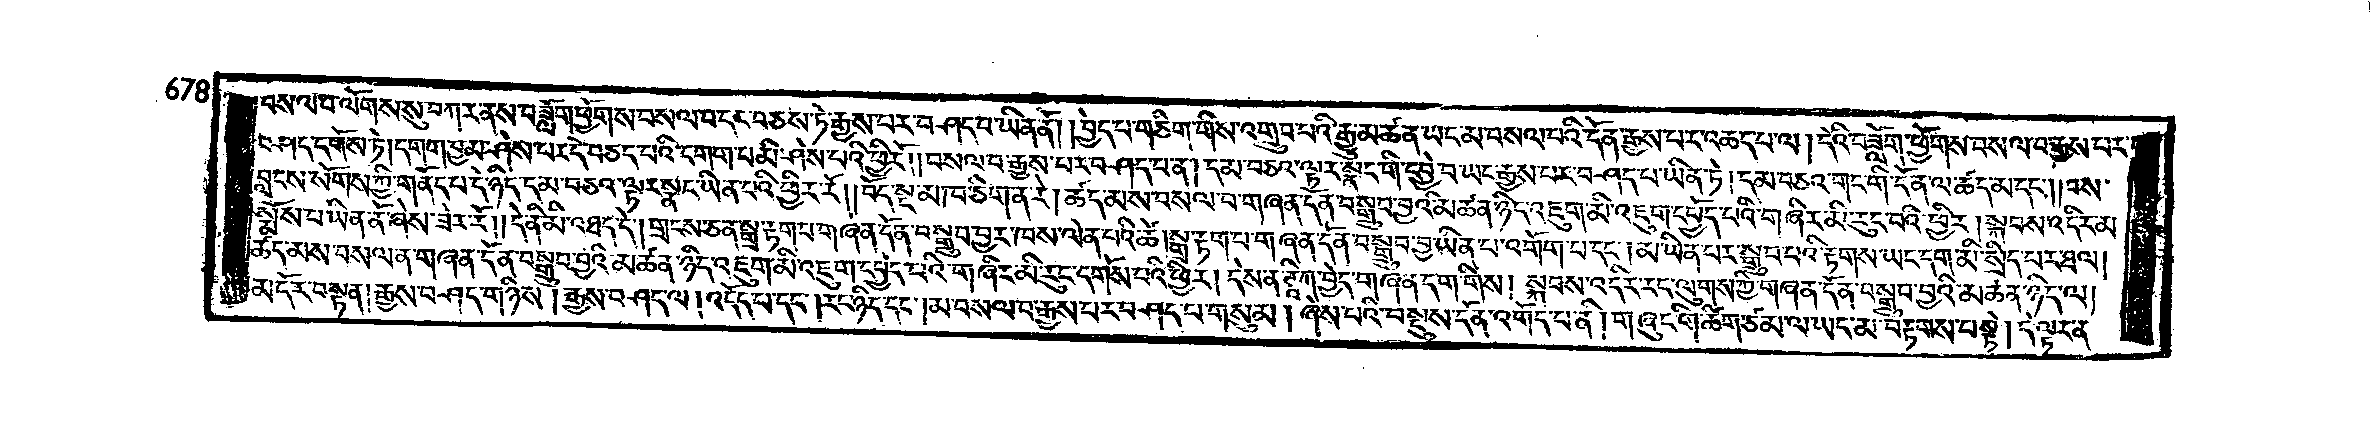བསལ་བ་ལོགས་སུ་བཀར་ནས་བཟློག་ཕྱོགས་བསལ་བ་དང་བཅས་ཏེ་རྒྱས་པར་བཤད་པ་ཡིན་ནོ། །བྱེད་པ་གཅིག་གིས་འགྲུབ་པའི་རྒྱུ་མཚན་ཡང་མ་བསལ་བའི་དོན་རྒྱས་པར་འཆད་པ་ལ། དེའི་བཟློག་ཕྱོགས་བསལ་བ་རྒྱས་པར་
བཤད་དགོས་ཏེ། དགག་བྱ་མ་ཤེས་པར་དེ་བཅད་པའི་དགག་པ་མི་ཤེས་པའི་ཕྱིར་རོ། །བསལ་བ་རྒྱས་པར་བཤད་པ་ན། དམ་བཅའ་ལྟར་སྣང་གི་དབྱེ་བ་ཡང་རྒྱས་པར་བཤད་པ་ཡིན་ཏེ། དམ་བཅའ་གང་གི་དོན་ལ་ཚད་མ་དང་། ཁས་
བླངས་སོགས་ཀྱི་གནོད་པ་དེ་ཉིད་དམ་བཅའ་ལྟར་སྣང་ཡིན་པའི་ཕྱིར་རོ། །བོད་སྔ་མ་ཁས་ཅིག་ན་རེ། ཚད་མས་བསལ་བ་གཞན་དོན་བསྒྲུབ་བྱའི་མཚན་ཉིད་འཇུག་མི་འཇུག་དཔྱོད་པའི་གཞིར་མི་རུང་བའི་ཕྱིར། སྐབས་འདིར་མ་
སྨོས་པ་ཡིན་ནོ་ཞེས་ཟེར་རོ། །དེ་ནི་མི་འཐད་དེ། གྲངས་ཅན་སྒྲ་རྟག་པ་གཞན་དོན་བསྒྲུབ་བྱར་ཁས་ལེན་པའི་ཚེ། སྒྲ་རྟག་པ་གཞན་དོན་བསྒྲུབ་བྱ་ཡིན་པ་འགོག་པ་དང་། མ་ཡིན་པར་སྒྲུབ་པའི་རྟགས་ཡང་དག་མི་སྲིད་པར་ཐལ།
ཚད་མས་བསལ་ན་གཞན་དོན་བསྒྲུབ་བྱའི་མཚན་ཉིད་འཇུག་མི་འཇུག་དཔྱོད་པའི་གཞིར་མི་རུང་དགོས་པའི་ཕྱིར། དེས་ན་ཊཱིཀ་བྱེད་གཞན་དག་གིས། སྐབས་འདིར་རང་ལུགས་ཀྱི་གཞན་དོན་བསྒྲུབ་བྱའི་མཚན་ཉིད་ལ།
མདོར་བསྟན། རྒྱས་བཤད་གཉིས། རྒྱས་བཤད་ལ། འདོད་པ་དང་། རང་ཉིད་དང་། མ་བསལ་བ་རྒྱས་པར་བཤད་པ་གསུམ། ཞེས་པའི་བསྡུས་དོན་འགོད་པ་ནི། གཞུང་གི་ཚིག་ཙམ་ལ་ཡང་མ་བརྟགས་པ་སྟེ། དེ་ལྟར་ན་